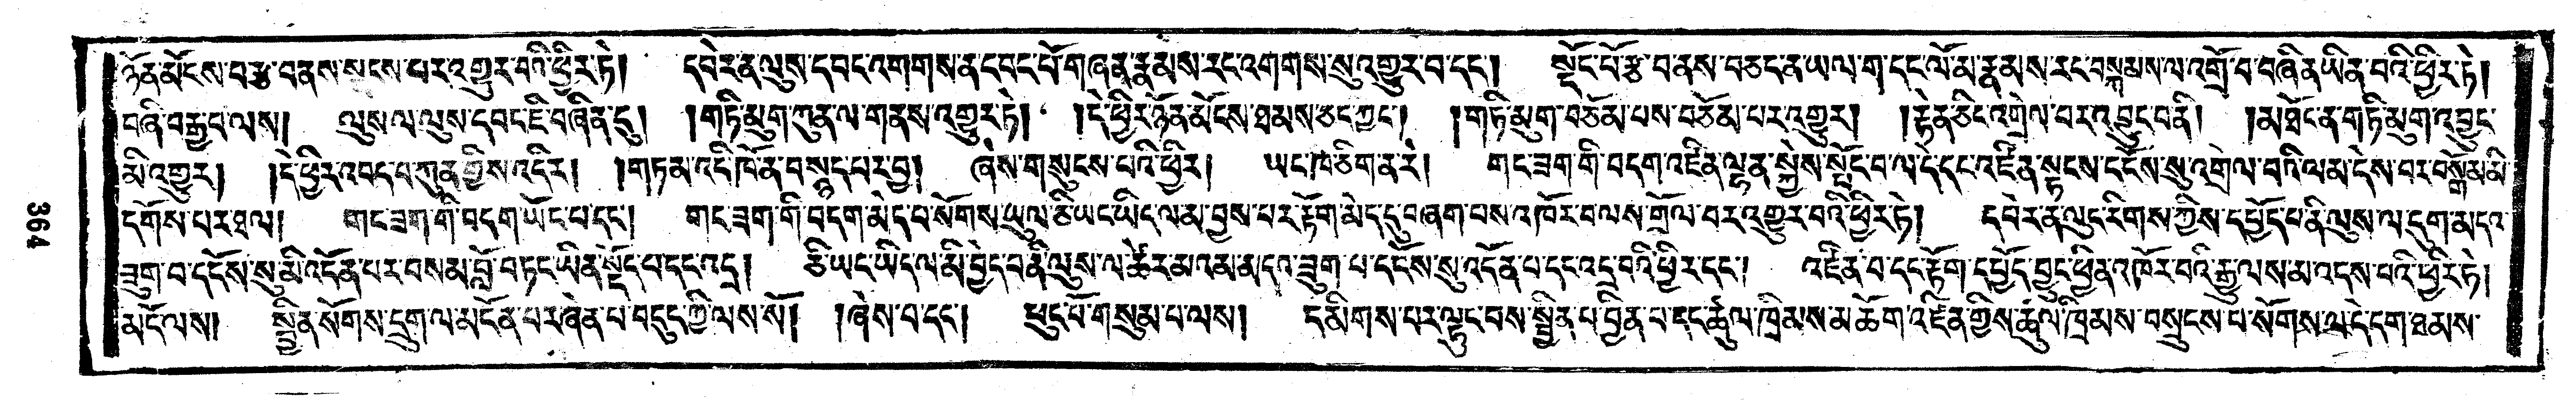ཉོན་མོངས་བ་རྩ་བ་ནས་སྤངས་པར་འགྱུར་བའི་ཕྱིར་ཏེ། དཔེར་ན་ལུས་དབང་འགགས་ན་དབང་པོ་གཞན་རྣམས་རང་འགགས་སུ་འགྱུར་བ་དང་། སྡོང་པོ་རྩ་བ་ནས་བཅད་ན་ཡལ་ག་དང་ལོ་མ་རྣམས་རང་བསྐམས་ལ་འགྲོ་བ་བཞིན་ཡིན་བའི་ཕྱིར་ཏེ།
བཞི་བརྒྱ་པ་ལས། ལུས་ལ་ལུས་དབང་ཇི་བཞིན་དུ། །གཏི་མུག་ཀུན་ལ་གནས་འགྱུར་ཏེ། །དེ་ཕྱིར་ཉོན་མོངས་ཐམས་ཅད་ཀྱང་། །གཏི་མུག་བཅོམ་པས་བཅོམ་པར་འགྱུར། །རྟེན་ཅིང་འགྲེལ་པར་འབྱུང་བ་ནི། །མཐོང་ན་གཏི་མུག་འབྱུང་
མི་འགྱུར། །དེ་ཕྱིར་འབད་པ་ཀུན་གྱིས་འདིར། །གཏམ་འདི་ཁོ་ན་བསྙད་པར་བྱ། ཞེས་གསུངས་པའི་ཕྱིར། ཡང་ཁ་ཅིག་ན་རེ། གང་ཟག་གི་བདག་འཛིན་ལྷན་སྐྱེས་སྤོང་བ་ལ་དེ་དང་འཛིན་སྟངས་དངོས་སུ་འགྲེལ་བའི་ལམ་དེས་བར་བསྒོམ་མི་
དགོས་པར་ཐལ། གང་ཟག་གི་བདག་ཡོད་པ་དང་། གང་ཟག་གི་བདག་མེད་པ་སོགས་ཡུལ་ཅི་ཡང་ཡིད་ལ་མ་བྱས་པར་རྟོག་མེད་དུ་བཞག་པས་འཁོར་བ་ལས་གྲོལ་བར་འགྱུར་བའི་ཕྱིར་ཏེ། དཔེར་ན་ལུང་རིགས་ཀྱིས་དཔྱོད་པ་ནི་ལུས་ལ་དུག་མདའ་
ཟུག་བ་དངོས་སུ་མི་འདོན་པར་བསམ་བློ་བཏང་ཡིན་སྡོད་པ་དང་འདྲ། ཅི་ཡང་ཡིད་ལ་མི་བྱེད་པ་ནི་ལུས་ལ་ཚེར་མའམ་མདའ་ཟུག་པ་དངོས་སུ་འདོན་པ་དང་འདྲ་བའི་ཕྱིར་དང་། འཛིན་པ་དང་རྟོག་དཔྱོད་བྱུང་ཕྱིན་འཁོར་བའི་རྒྱུ་ལས་མ་འདས་པའི་ཕྱིར་ཏེ།
མདོ་ལས། སྦྱིན་སོགས་དྲུག་ལ་མངོན་པར་ཞེན་པ་བདུད་ཀྱི་ལས་སོ། །ཞེས་པ་དང་། ཕུང་པོ་གསུམ་པ་ལས། དམིགས་པར་ལྷུང་བས་སྦྱིན་པ་བྱིན་པ་དང་ཚུལ་ཁྲིམས་མཆོག་འཛིན་གྱིས་ཚུལ་ཁྲིམས་བསྲུངས་པ་སོགས་ལ་དེ་དག་ཐམས་